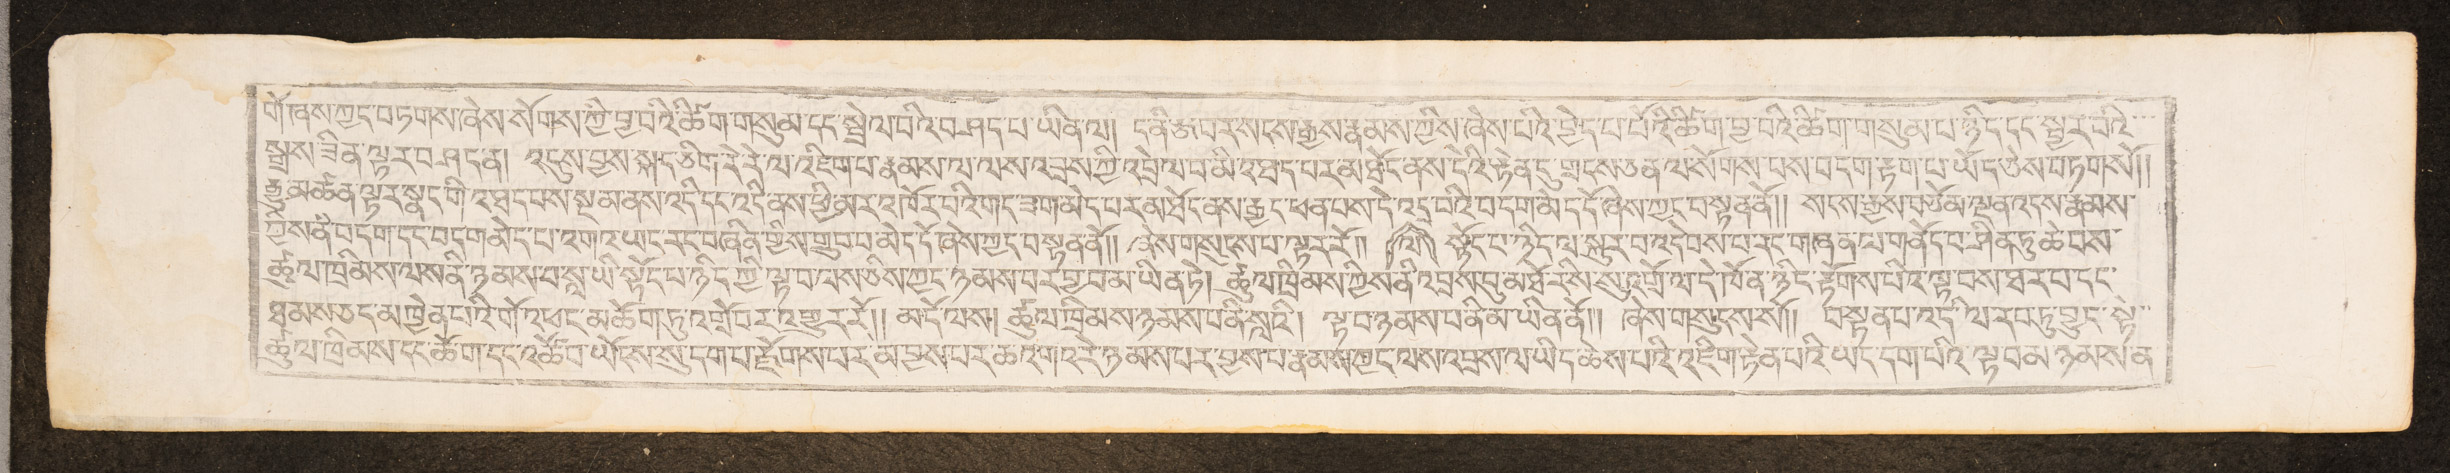གི་ཞེས་ཀྱང་བཏགས་ཞེས་སོགས་ཀྱི་བྱ་བའི་ཚིག་གསུམ་དང་སྦྲེལ་བའི་བཤད་པ་ཡིན་ལ། ད་ནི་རྩ་བར་སངས་རྒྱས་རྣམས་ཀྱིས་ཞེས་པའི་བྱེད་པ་པོའི་ཚིག་བྱ་བའི་ཚིག་གསུམ་པ་ཉིད་དང་སྦྱར་བའི་
སྒྲས་ཟིན་ལྟར་བཤད་ན། འདུས་བྱས་སྐད་ཅིག་རེ་རེ་ལ་འཇིག་པ་རྣམས་ལ་ལས་འབྲས་ཀྱི་འབྲེལ་བ་མི་འཐད་པར་མཐོང་ནས་དེའི་དེའི་རྟེན་དུ་གྲངས་ཅན་ལ་སོགས་པས་བདག་རྟག་པ་ཡོད་ཅེས་བཏགས་སོ།།
རྒྱུ་མཚན་ལྟར་སྣང་གི་འཐད་པས་སྔ་མ་ནས་འདི་དང་འདི་ནས་ཕྱི་མར་འཁོར་བའི་གང་ཟག་མེད་པར་མཐོང་ནས་རྒྱང་ཕན་པས་དེ་འདྲ་བའི་བདག་མེད་དོ་ཞེས་ཀྱང་བསྟན་ནོ།། སངས་རྒྱས་བཅོམ་ལྡན་འདས་རྣམས་
ཀྱིས་ནི་བདག་དང་བདག་མེད་པ་འགའ་ཡང་རང་བཞིན་གྱིས་གྲུབ་པ་མེད་དོ་ཞེས་ཀྱང་བསྟན་ནོ།། ཞེས་གསུངས་པ་ལྟར་རོ།། ༼༽ལ༼༽ སྟོང་པ་ཉིད་ལ་སྐུར་བ་འདེབས་པ་རང་གཞན་ལ་གནོད་པ་ཤིན་ཏུ་ཆེ་བས་
ཚུལ་ཁྲིམས་ལས་ནི་ཉམས་པ་སླ་ཡི་སྟོང་པ་ཉིད་ཀྱི་ལྟ་བ་ལས་ཅིས་ཀྱང་ཉམས་པར་བྱ་བ་མ་ཡིན་ཏེ། ཚུལ་ཁྲིམས་ཀྱིས་ནི་འབྲས་བུ་མཐོ་རིས་སུ་འགྲོ་ལ་དེ་ཁོ་ན་ཉིང་རྟོགས་པའི་ལྟ་བས་ཐར་པ་དང་
ཐམས་ཅད་མཁྱེན་པའི་གོ་འཕང་མཆོག་ཏུ་འགྲོ་བར་འགྱུར་རོ།། མདོ་ལས། ཚུལ་ཁྲིམས་ཉམས་པ་ནི་སླའོ། ལྟ་བ་ཉམས་པ་ནི་མ་ཡིན་ནོ།། ཞེས་གསུངས་སོ།། བསྟན་པ་འདི་ལ་རབ་ཏུ་བྱུང་སྟེ་
ཚུལ་ཁྲིམས་དང་ཆོ་ག་དང་འཚོ་བ་ཡོངས་སུ་དག་པ་རྫོགས་པར་མ་བྱས་པར་ཆ་འགའ་རེ་ཉམས་པར་བྱ་པ་རྣམས་ཀྱང་ལས་འབྲས་ལ་ཡིད་ཆེས་པའི་འཇིག་རྟེན་པའི་ཡང་དག་པའི་ལྟ་བ་མ་ཉམས་ན་